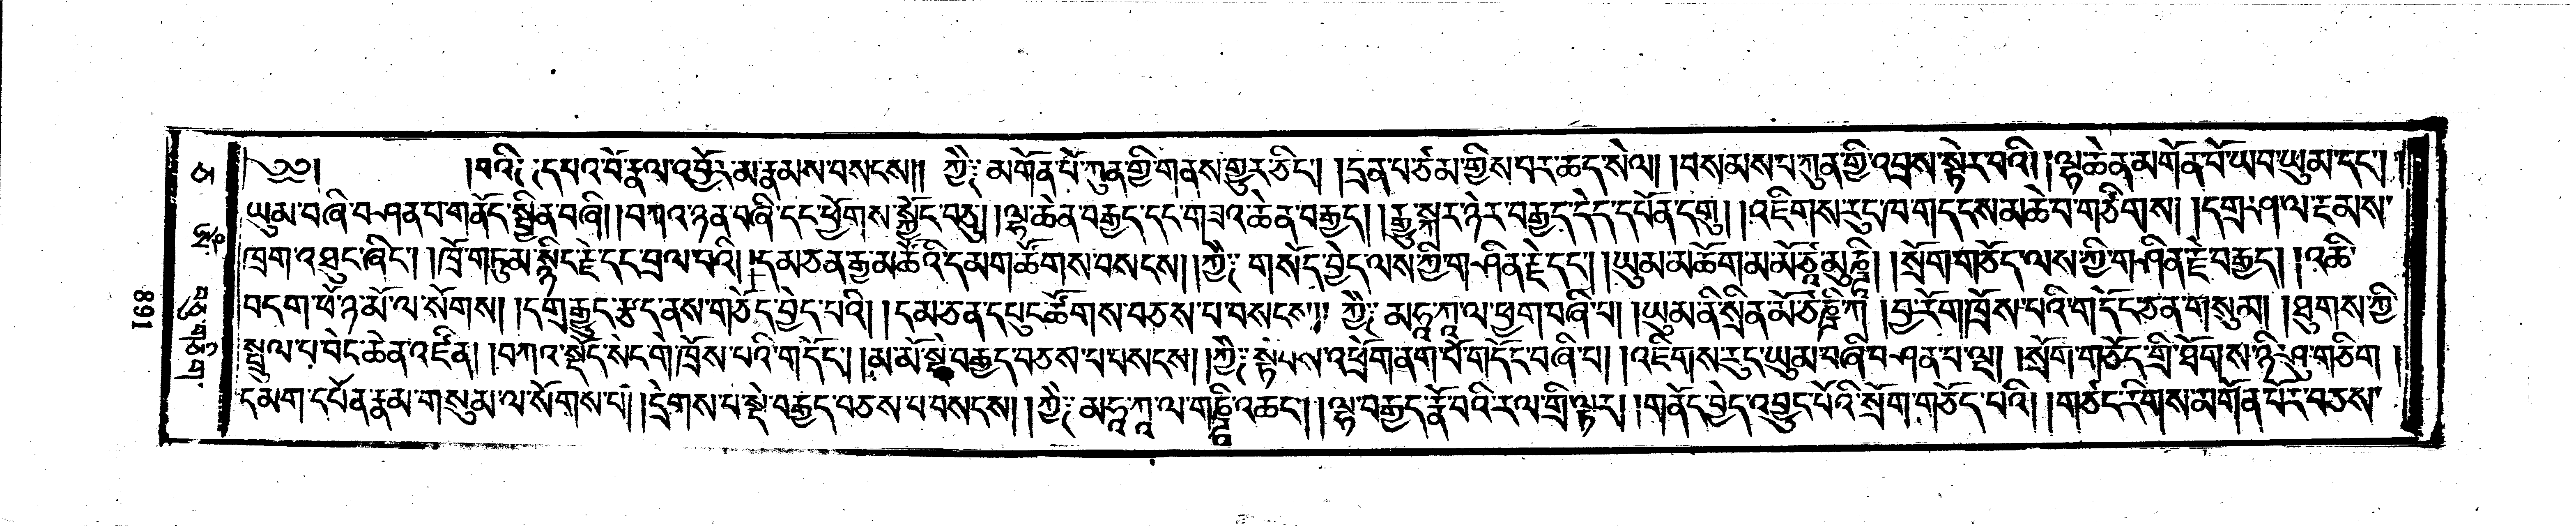༄༅། །བའི༑ ༑དཔའ་བོ་རྣལ་འབྱོར་མ་རྣམས་བསངས།། ཀྱཻ༑ མགོན་པོ་ཀུན་གྱི་གནས་གྱུར་ཅིང་། །དྲན་པ་ཙམ་གྱིས་བར་ཆད་སེལ། །བསམས་པ་ཀུན་གྱི་འབྲས་སྟེར་བའི། །ལྷ་ཆེན་མགོན་པོ་ཡབ་ཡུམ་དང་། །
ཡུམ་བཞི་བཤན་པ་གནོད་སྦྱིན་བཞི། །བཀའ་ཉན་བཞི་དང་ཕྱོགས་སྐྱོང་བཅུ། །ལྷ་ཆེན་བརྒྱད་དང་གཟའ་ཆེན་བརྒྱད། །རྒྱུ་སྐར་ཉེར་བརྒྱད་དེད་དཔོན་དགུ། །འཇིགས་རུང་ཁ་གདངས་མཆེ་བ་གཙིགས། །དགྲ་ཤ་ལ་རྔམས་
ཁྲག་འཐུང་ཞིང་། །ཁྲོ་གཏུམ་སྙིང་རྗེ་དང་བྲལ་བའི། །དམ་ཅན་རྒྱ་མཚོའི་དམག་ཚོགས་བསངས། །ཀྱཻ༑ གསོད་བྱེད་ལས་ཀྱི་གཤིན་རྗེ་དང་། །ཡུམ་མཆོག་མ་མོ་ཙཱ་མུཎྜཱི། །སྲོག་གཅོད་ལས་ཀྱི་གཤིན་རྗེ་བརྒྱད། །འཆི་
བདག་ཕོ་ཉ་མོ་ལ་སོགས། །དགྲ་རྒྱུད་རྩད་ནས་གཅོད་བྱེད་པའི། །དམ་ཅན་དཔུང་ཚོགས་བཅས་པ་བསངས། ཀྱཻ༑ མཧཱ་ཀཱ་ལ་ཕྱག་བཞི་པ། །ཡུམ་ནི་སྲིན་མོ་ཙཎྜི་ཀ། བྱ་རོག་ཁྲོས་པའི་གདོང་ཅན་གསུམ། །ཐུགས་ཀྱི་
སྤྲུལ་པ་བདེ་ཆེན་འཛིན། །བཀའ་སྡོད་སེང་གེ་ཁྲོས་པའི་གདོང་། །མ་མོ་སྡེ་བརྒྱད་བཅས་པ་བསངས། །ཀྱཻ༑ སྟོབས་འཕྲོག་ནག་པོ་གདོང་བཞི་པ། །འཇིགས་རུང་ཡུམ་བཞི་བཤན་པ་ལྔ། །སྲོག་གཅོད་གྲི་ཐོགས་ཉི་ཤུ་གཅིག །
དམག་དཔོན་རྣམ་གསུམ་ལ་སོགས་པ། །དྲེགས་པ་སྡེ་བརྒྱད་བཅས་པ་བསངས། །ཀྱཻ༑ མཧཱ་ཀཱ་ལ་གཎྜཱི་འཆང་། །ལྷ་བརྒྱད་རྣོ་བའི་རལ་གྲི་ལྟར། །གནོད་བྱེད་འབྱུང་པོའི་སྲོག་གཅོད་པའི། །གཙང་རིགས་མགོན་པོར་བཅ་